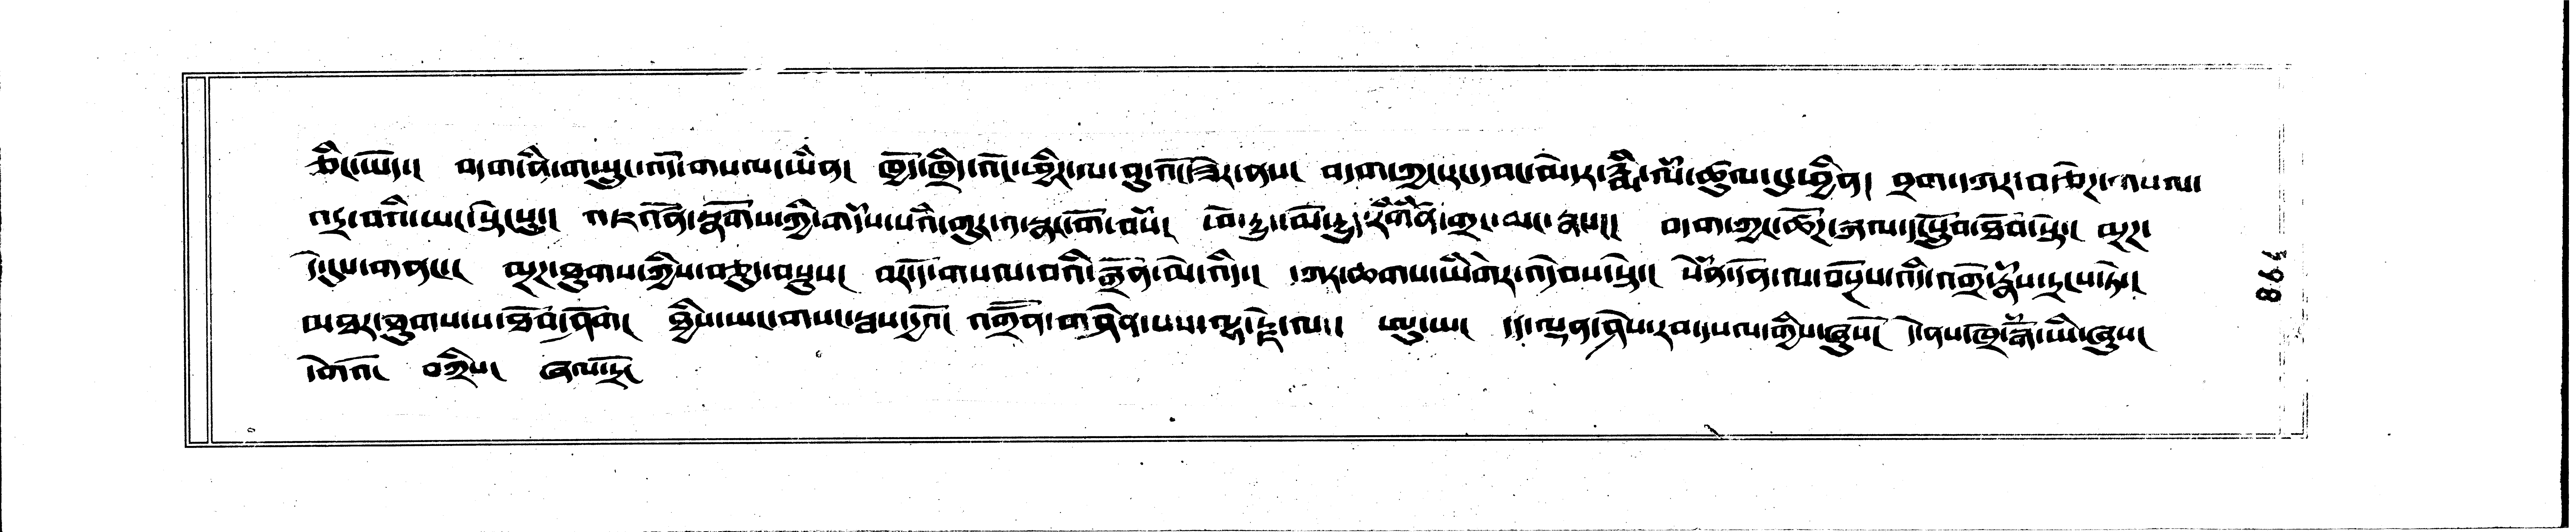ཅིང་ཡོད། བདག་ནི་གཡུང་དྲུང་འོད་གསལ་ཡིན། ཁྱོད་ཁྲིད་འོང་ཕྱིར་ལ་བུ་འོང་ཟེར་ནས། བདག་ཀྱང་རང་དབང་མེད་པར་རྨི་ལམ་ཚུལ་དུ་ཕྱིན། བྲག་དཀར་བརྩེགས་གསལ་
འདྲ་བའི་ཡང་སྟེངས་སུ། འཇའ་སྣ་ཚོགས་ཀྱི་གདམས་པའི་གུར་སྣང་ངོ་བསམ། ཕོ་རྒྱུད་མོ་རྒྱུད་རིག་འཛིན་གྲངས་མང་རྣམས། བདག་ཀྱང་ཚོགས་སྐལ་དངོས་གྲུབ་ཐོབ་སྟེ། མནངག་
དེདུས་གནང་། མན་ངག་ཐུགས་ཀྱི་བཅུད་བསྡུས། བར་དོ་གསལ་བའི་སྒྲོན་མེ་འདི། དཀར་ཆག་ཡིག་གེར་བདེབས་ཏེ། སེམས་ཅན་དོན་ལ་བསྔོས་འདི་འགྲོ་རྣམས་དྲངས་ཏེ། 
མཐར་ཐུག་ས་ཐོབ་ཤོག ཐུགས་ཉིད་ཡང་གསང་སྦས་རྒྱའོ།། །།འགྲོ་མགོན་གཤེན་སྲས་ལྷ་རྗེ་ལ། ཨུ་ཡ། དད་ལྡན་ཤེས་རབ་དཔལ་གྱིས་ཞུས་སོ། །དེ་ནས་ཁྲོ་སྒོམ་གྱིས་ཞུས།། 
དགེའོ། བཀྲ་ཤིས། ཞལ་དྲོ།། །།